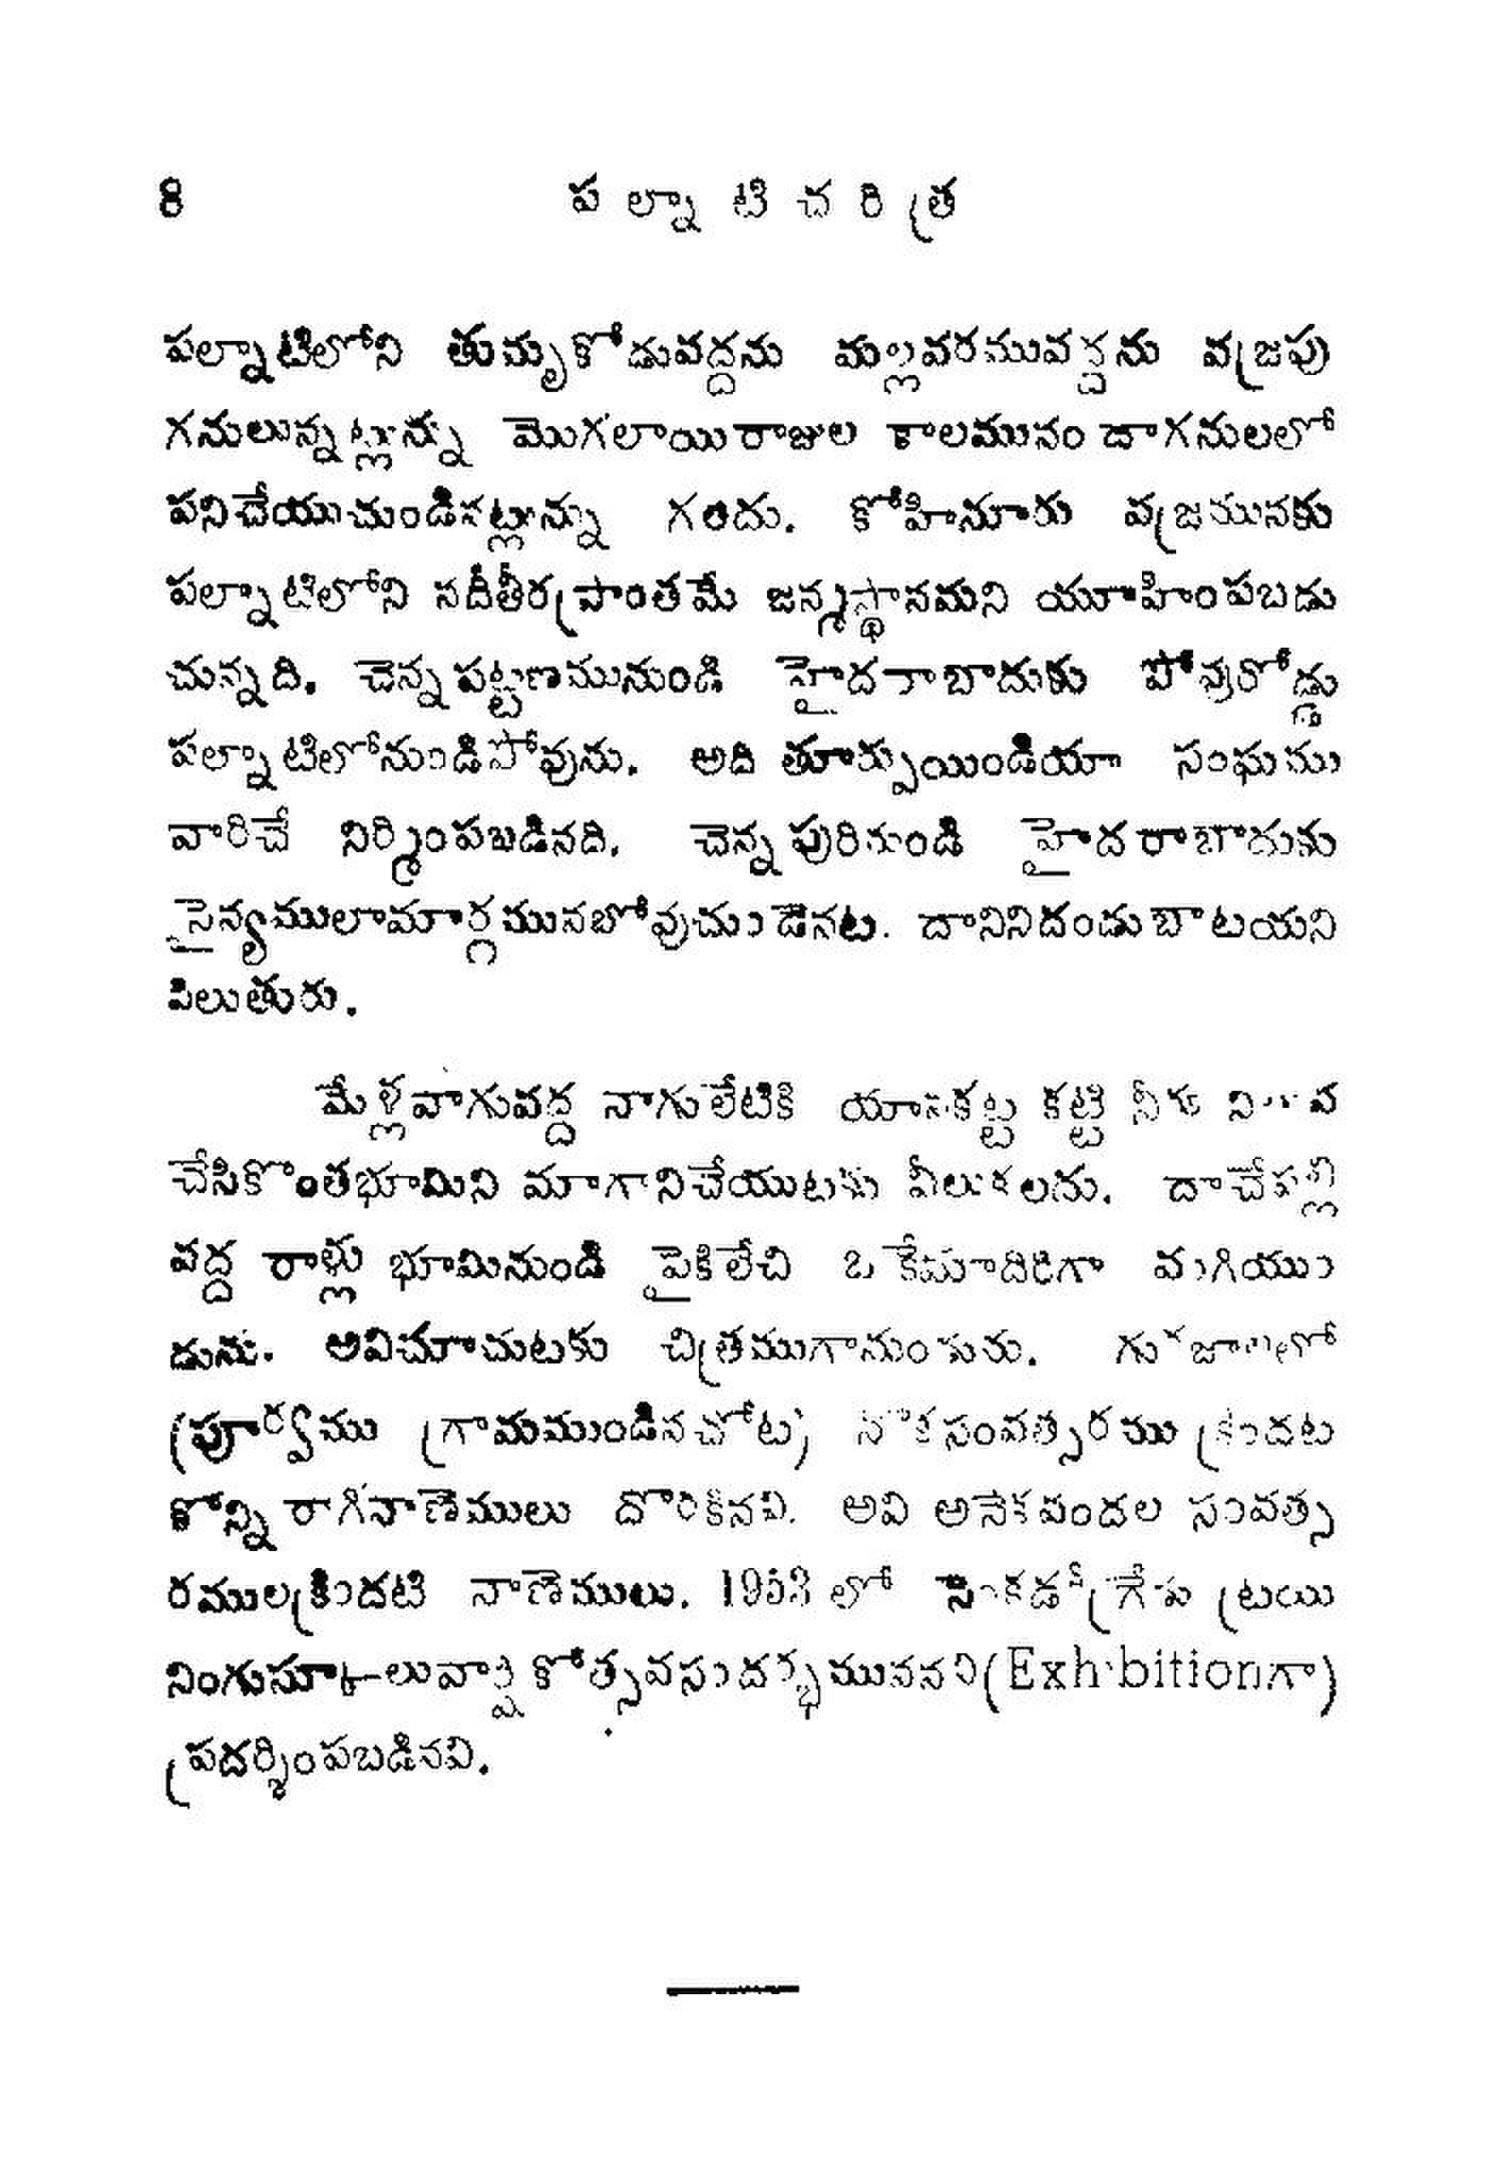పల్నాటిలోని తుమృుకోడువద్దను మల్లవరమువద్దను వజ్రపు
గనులున్నట్లున్ను మొగలాయి రాజుల కాలమునం దాగనులలో
పనిచేయుచుండినట్లున్ను గలదు. కోహినూరు వజ్రమునకు
పల్నాటిలోని నదీతీర ప్రాంతమే జన్మస్థానమని యూహింపబడు
చున్నది. చెన్నపట్టణమునుండి హైదరాబాదుకు పోపురోడ్డు 
పల్నాటిలోనుండిపోవును. అది తూర్పుయిండియా సంఘము
వారిచే నిర్మింపబడినది, చెన్నపురినుండి హైదరాబాదుకు
సైన్యములామార్గమునబోవుచుండెనట. దానిని దండుబాటయని
పిలుతురు.

మేళ్లవాగువద్ద నాగులేటికి యానకట్ట కట్టి నీరు నిలువ
చేసికొంతభూమిని మాగానిచేయుటకు వీలుకలదు. దాచేపల్లి
వద్ద రాళ్లు భూమినుండి పైకి లేచి ఒకేమాదిరిగా వంగియుండును. 
అవిచూచుటకు చిత్రముగానుండును. గురజాలలో
(పూర్వము గ్రామముండినచోట నొక సంవత్సరము క్రిందట
కొన్ని రాగినాణెములు దొరికినవి. అవి అనేక వందల సంవత్స
రములక్రిందటి నాణెములు. 1953 లోసెకండరీగ్రేడు ట్రయినింగు 
స్కూలువార్షికోత్సవసందర్భమునన (Exhibitionగా)
ప్రదర్శింపబడినవి.